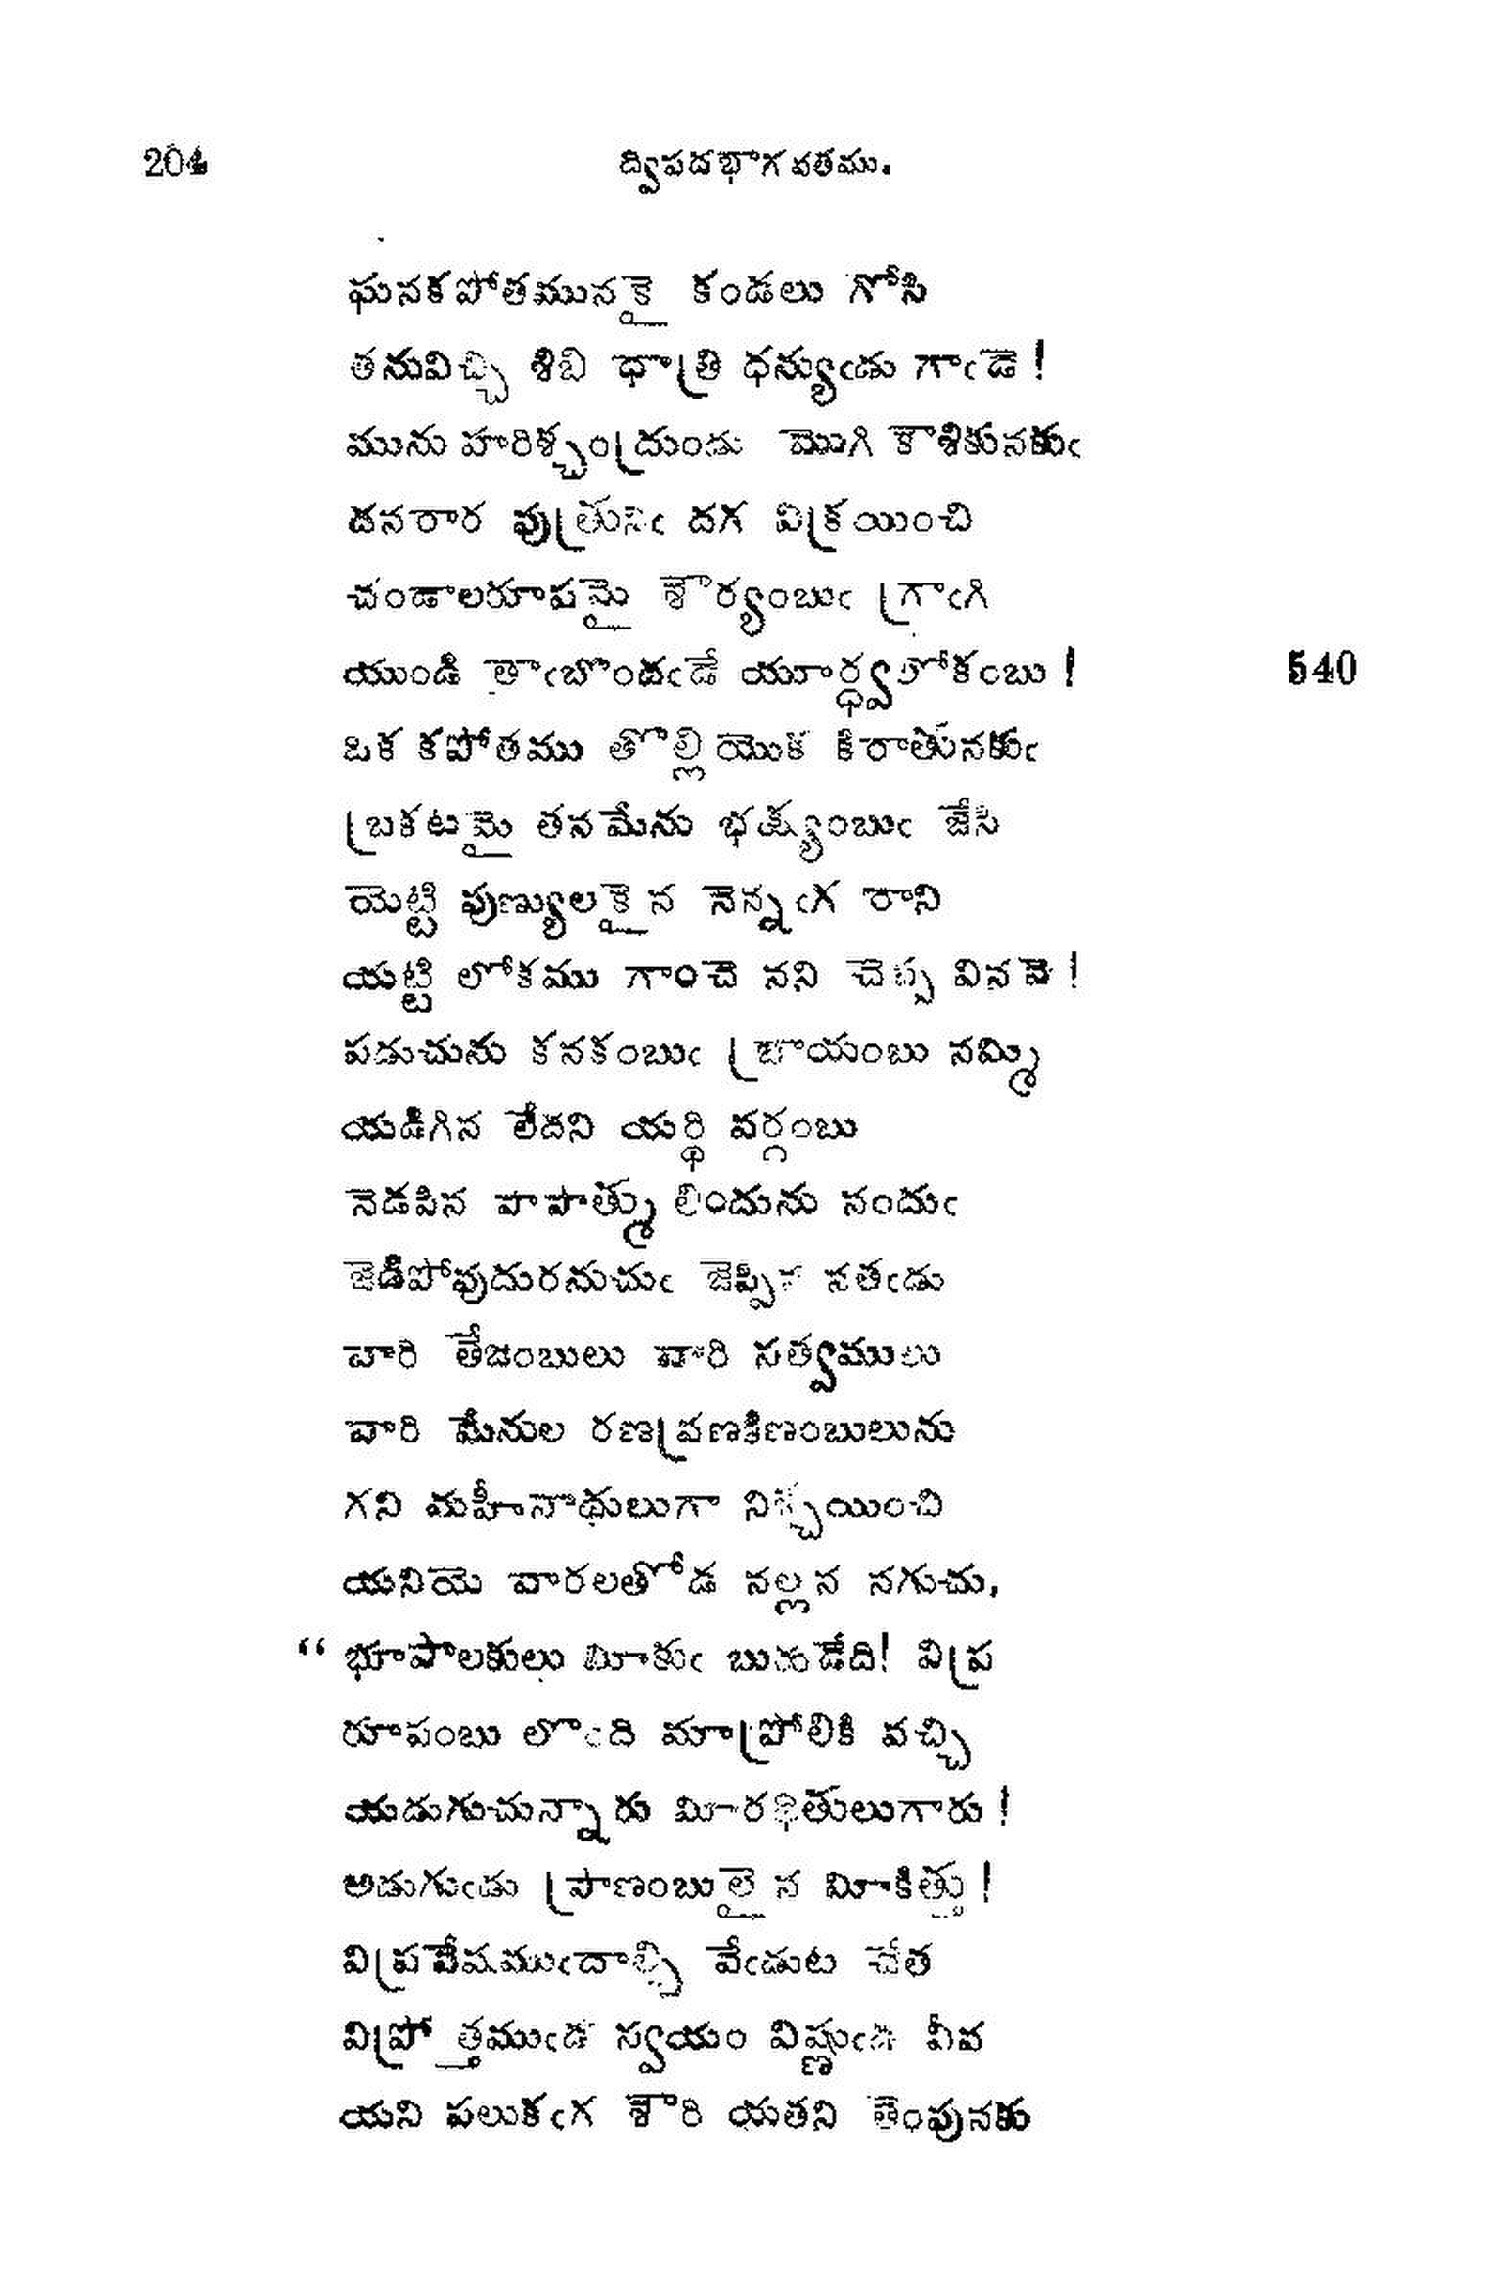ఘనకపోతమునకై కండలు గోసి 
తనువిచ్చి శిబి ధాత్రి ధన్యుఁడు గాఁడె! 
మును హరిశ్చంద్రుండు మొగి కౌశికునకుఁ
దనరార పుత్రునిఁ దగ విక్రయించి
చండాలరూపమై శౌర్యంబుఁ గ్రాఁగి
యుండి తాఁబొందఁడే యూర్ధ్వలోకంబు!
ఒక కపోతము తొల్లి యొక కిరాతునకుఁ 
బ్రకటమై తనమేను భక్ష్యంబుఁ జేసి
యెట్టిపుణ్యులకైన నెన్నఁగరాని
యట్టిలోకము గాంచె నని చెప్ప వినమె! 
పడుచును కనకంబుఁ బ్రాయంబు నమ్మి
యడిగిన లేదని యర్థి వర్గంబు
నెడపిన పాపాత్ము లిందును నందుఁ
జెడిపోవుదు”రనుచుఁ జెప్పిన నతఁడు 
వారి తేజంబులు వారి సత్వములు
వారి మేనుల రణవ్రణకిణంబులును
గని మహీనాథులుగా నిశ్చయించి
యనియె వారలతోడ నల్లన నగుచు. 
“భూపాలకులు మీకుఁ బురుడేది! విప్ర
రూపంబులొంది మా ప్రోలికి వచ్చి
యడుగుచున్నారు మీరథితులుగారు! 
అడుగుఁడు ప్రాణంబులైన మీకిత్తు! 
విప్రవేషముఁదాల్చి వేఁడుట చేత
విప్రోత్తముఁడు స్వయం విష్ణుఁడ వీవ”
యని పలుకఁగ శౌరి యతని తెంపునకు